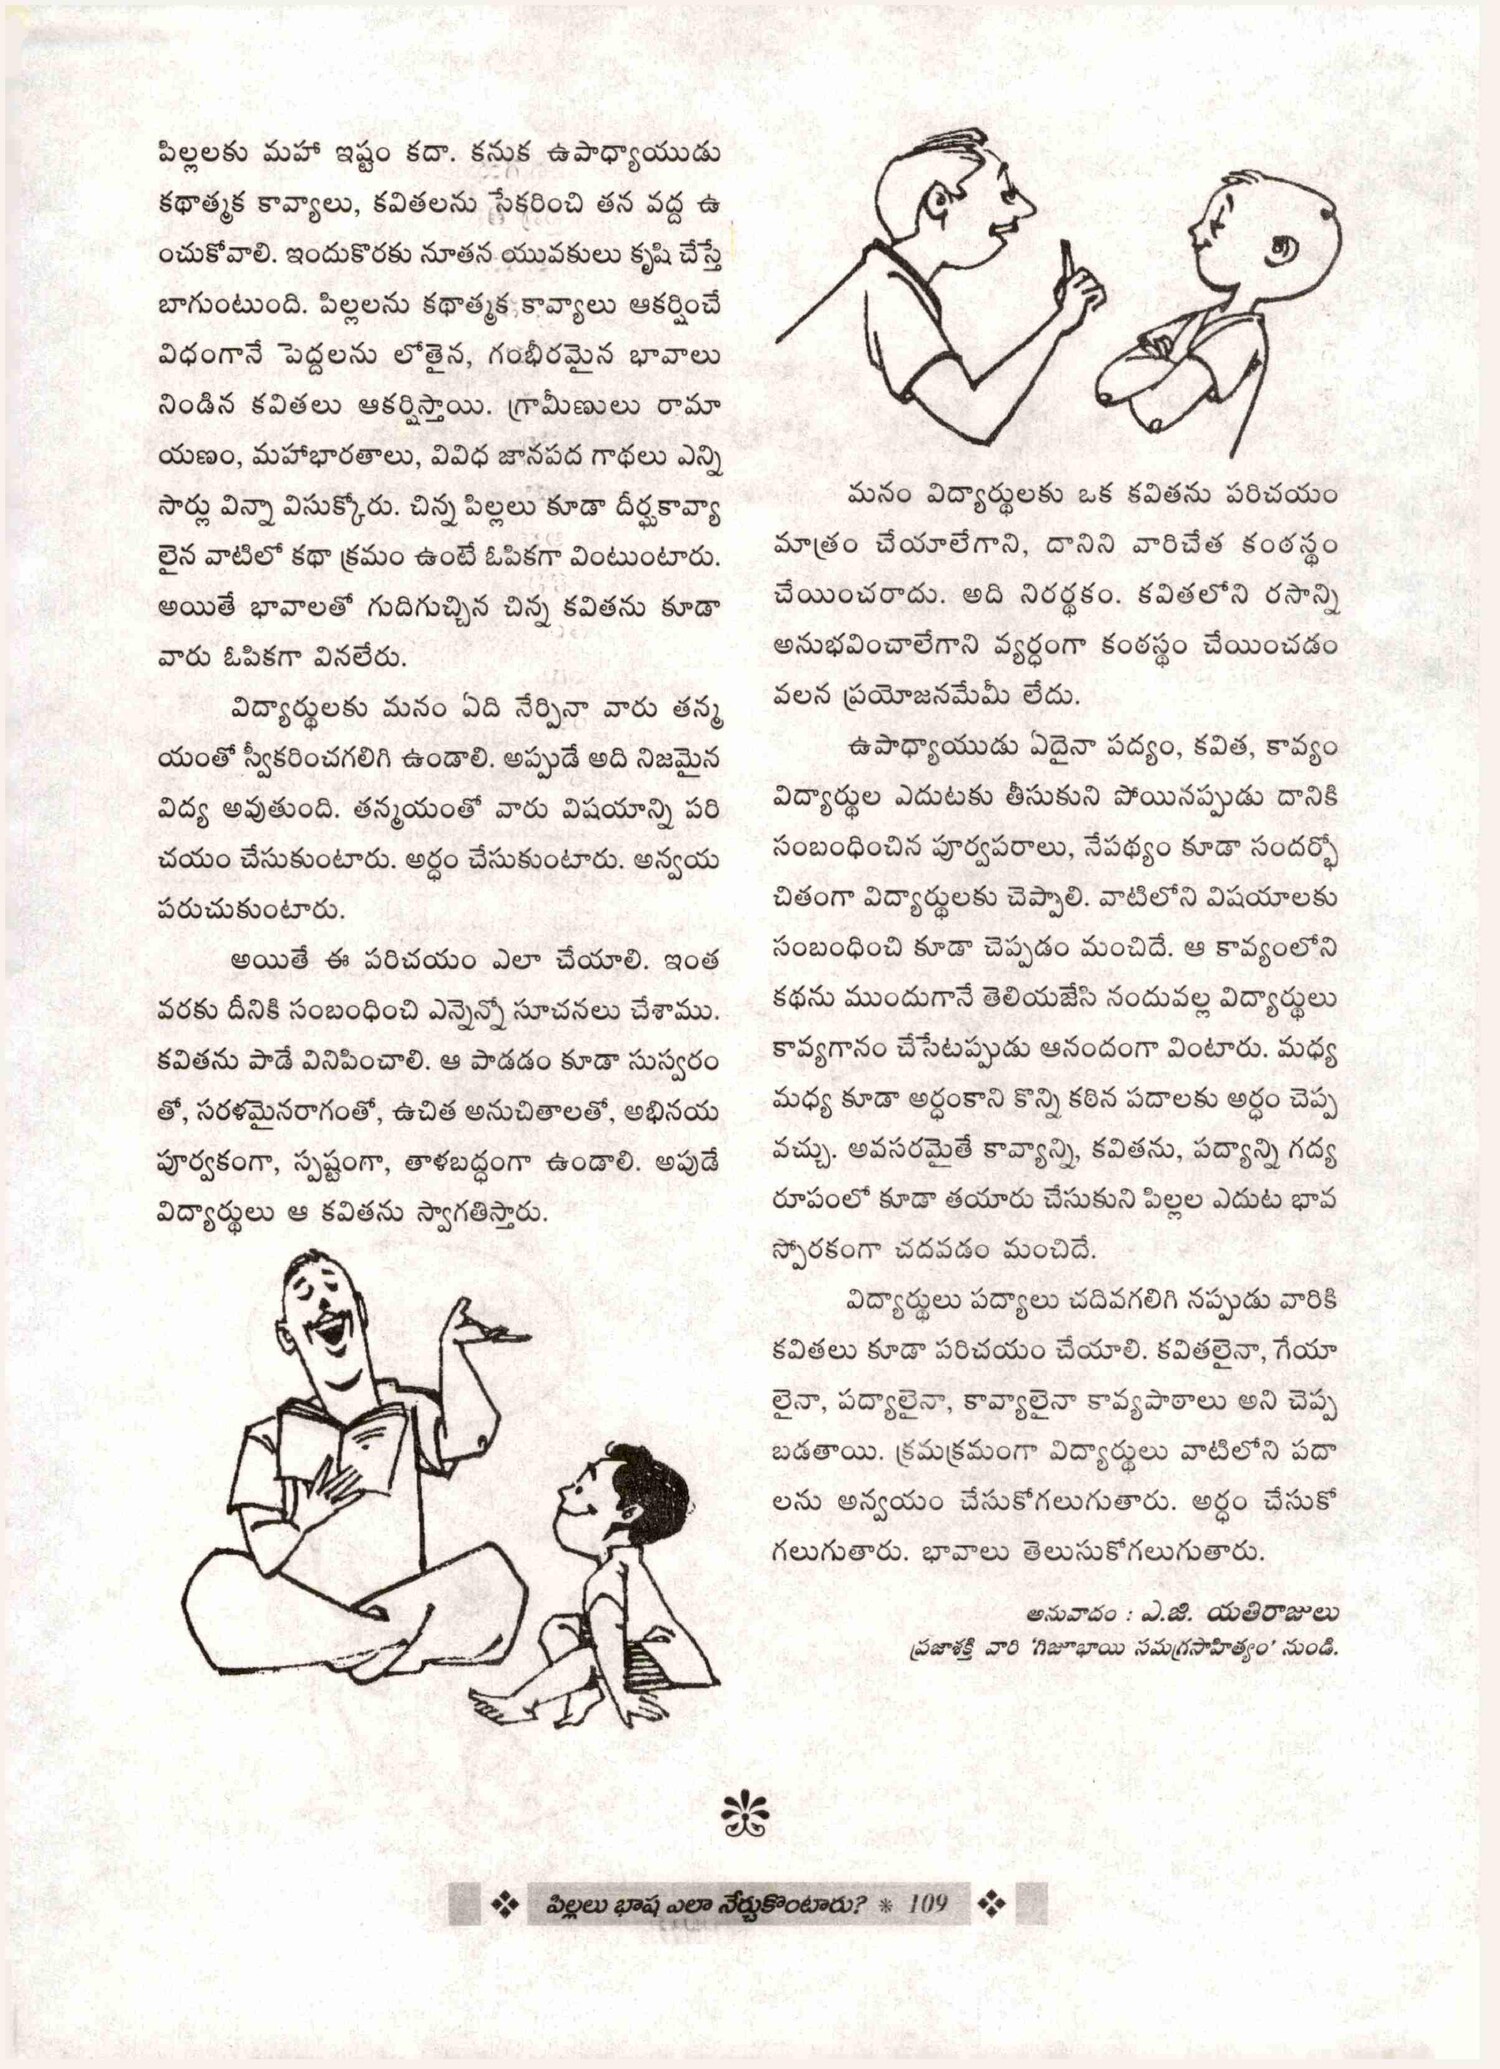పిల్లలకు మహా ఇష్టం కదా. కనుక ఉపాధ్యాయుడు కథాత్మక కావ్యాలు, కవితలను సేకరించి తన వద్ద ఉంచుకోవాలి. ఇందుకొరకు నూతన యువకులు కృషి చేస్తే బాగుంటుంది. పిల్లలను కథాత్మక కావ్యాలు ఆకర్షించే విధంగానే పెద్దలను లోతైన, గంభీరమైన భావాలు నిండిన కవితలు ఆకర్షిస్తాయి. గ్రామీణులు రామాయణం, మహాభారతాలు, వివిధ జానపద గాథలు ఎన్నిసార్లు విన్నా విసుక్కోరు. చిన్న పిల్లలు కూడా దీర్ఘకావ్యాలైన వాటిలో కథా క్రమం ఉంటే ఓపికగా వింటుంటారు. అయితే భావాలతో గుదిగుచ్చిన చిన్న కవితను కూడా వారు ఓపికగా వినలేరు.

విద్యార్థులకు మనం ఏది నేర్పినా వారు తన్మయంతో స్వీకరించగలిగి ఉండాలి. అప్పుడే అది నిజమైన విద్య అవుతుంది. తన్మయంతో వారు విషయాన్ని పరిచయం చేసుకుంటారు. అర్ధం చేసుకుంటారు. అన్వయ
పరుచుకుంటారు.

అయితే ఈ పరిచయం ఎలా చేయాలి. ఇంత వరకు దీనికి సంబంధించి ఎన్నెన్నో సూచనలు చేశాము. కవితను పాడే వినిపించాలి. ఆ పాడడం కూడా సుస్వరంతో, సరళమైనరాగంతో, ఉచిత అనుచితాలతో, అభినయ పూర్వకంగా, స్పష్టంగా, తాళబద్ధంగా ఉండాలి. అపుడే విద్యార్థులు ఆ కవితను స్వాగతిస్తారు.

మనం విద్యార్థులకు ఒక కవితను పరిచయం మాత్రం చేయాలేగాని, దానిని వారిచేత కంఠస్థం చేయించరాదు. అది నిరర్థకం. కవితలోని రసాన్ని అనుభవించాలేగాని వ్యర్ధంగా కంఠస్థం చేయించడం వలన ప్రయోజనమేమీ లేదు.

ఉపాధ్యాయుడు ఏదైనా పద్యం, కవిత, కావ్యం విద్యార్థుల ఎదుటకు తీసుకుని పోయినప్పుడు దానికి
సంబంధించిన పూర్వపరాలు, నేపథ్యం కూడా సందర్భోచితంగా విద్యార్థులకు చెప్పాలి. వాటిలోని విషయాలకు
సంబంధించి కూడా చెప్పడం మంచిదే. ఆ కావ్యంలోని కథను ముందుగానే తెలియజేసి నందువల్ల విద్యార్థులు
కావ్యగానం చేసేటప్పుడు ఆనందంగా వింటారు. మధ్య మధ్య కూడా అర్ధంకాని కొన్ని కఠిన పదాలకు అర్ధం చెప్పవచ్చు. అవసరమైతే కావ్యాన్ని, కవితను, పద్యాన్ని గద్యరూపంలో కూడా తయారు చేసుకుని పిల్లల ఎదుట భావ
స్పోరకంగా చదవడం మంచిదే.

విద్యార్థులు పద్యాలు చదివగలిగి నప్పుడు వారికి కవితలు కూడా పరిచయం చేయాలి. కవితలైనా, గేయాలైనా, పద్యాలైనా, కావ్యాలైనా కావ్యపాఠాలు అని చెప్పబడతాయి. క్రమక్రమంగా విద్యార్థులు వాటిలోని పదాలను అన్వయం చేసుకోగలుగుతారు. అర్ధం చేసుకోగలుగుతారు. భావాలు తెలుసుకోగలుగుతారు.